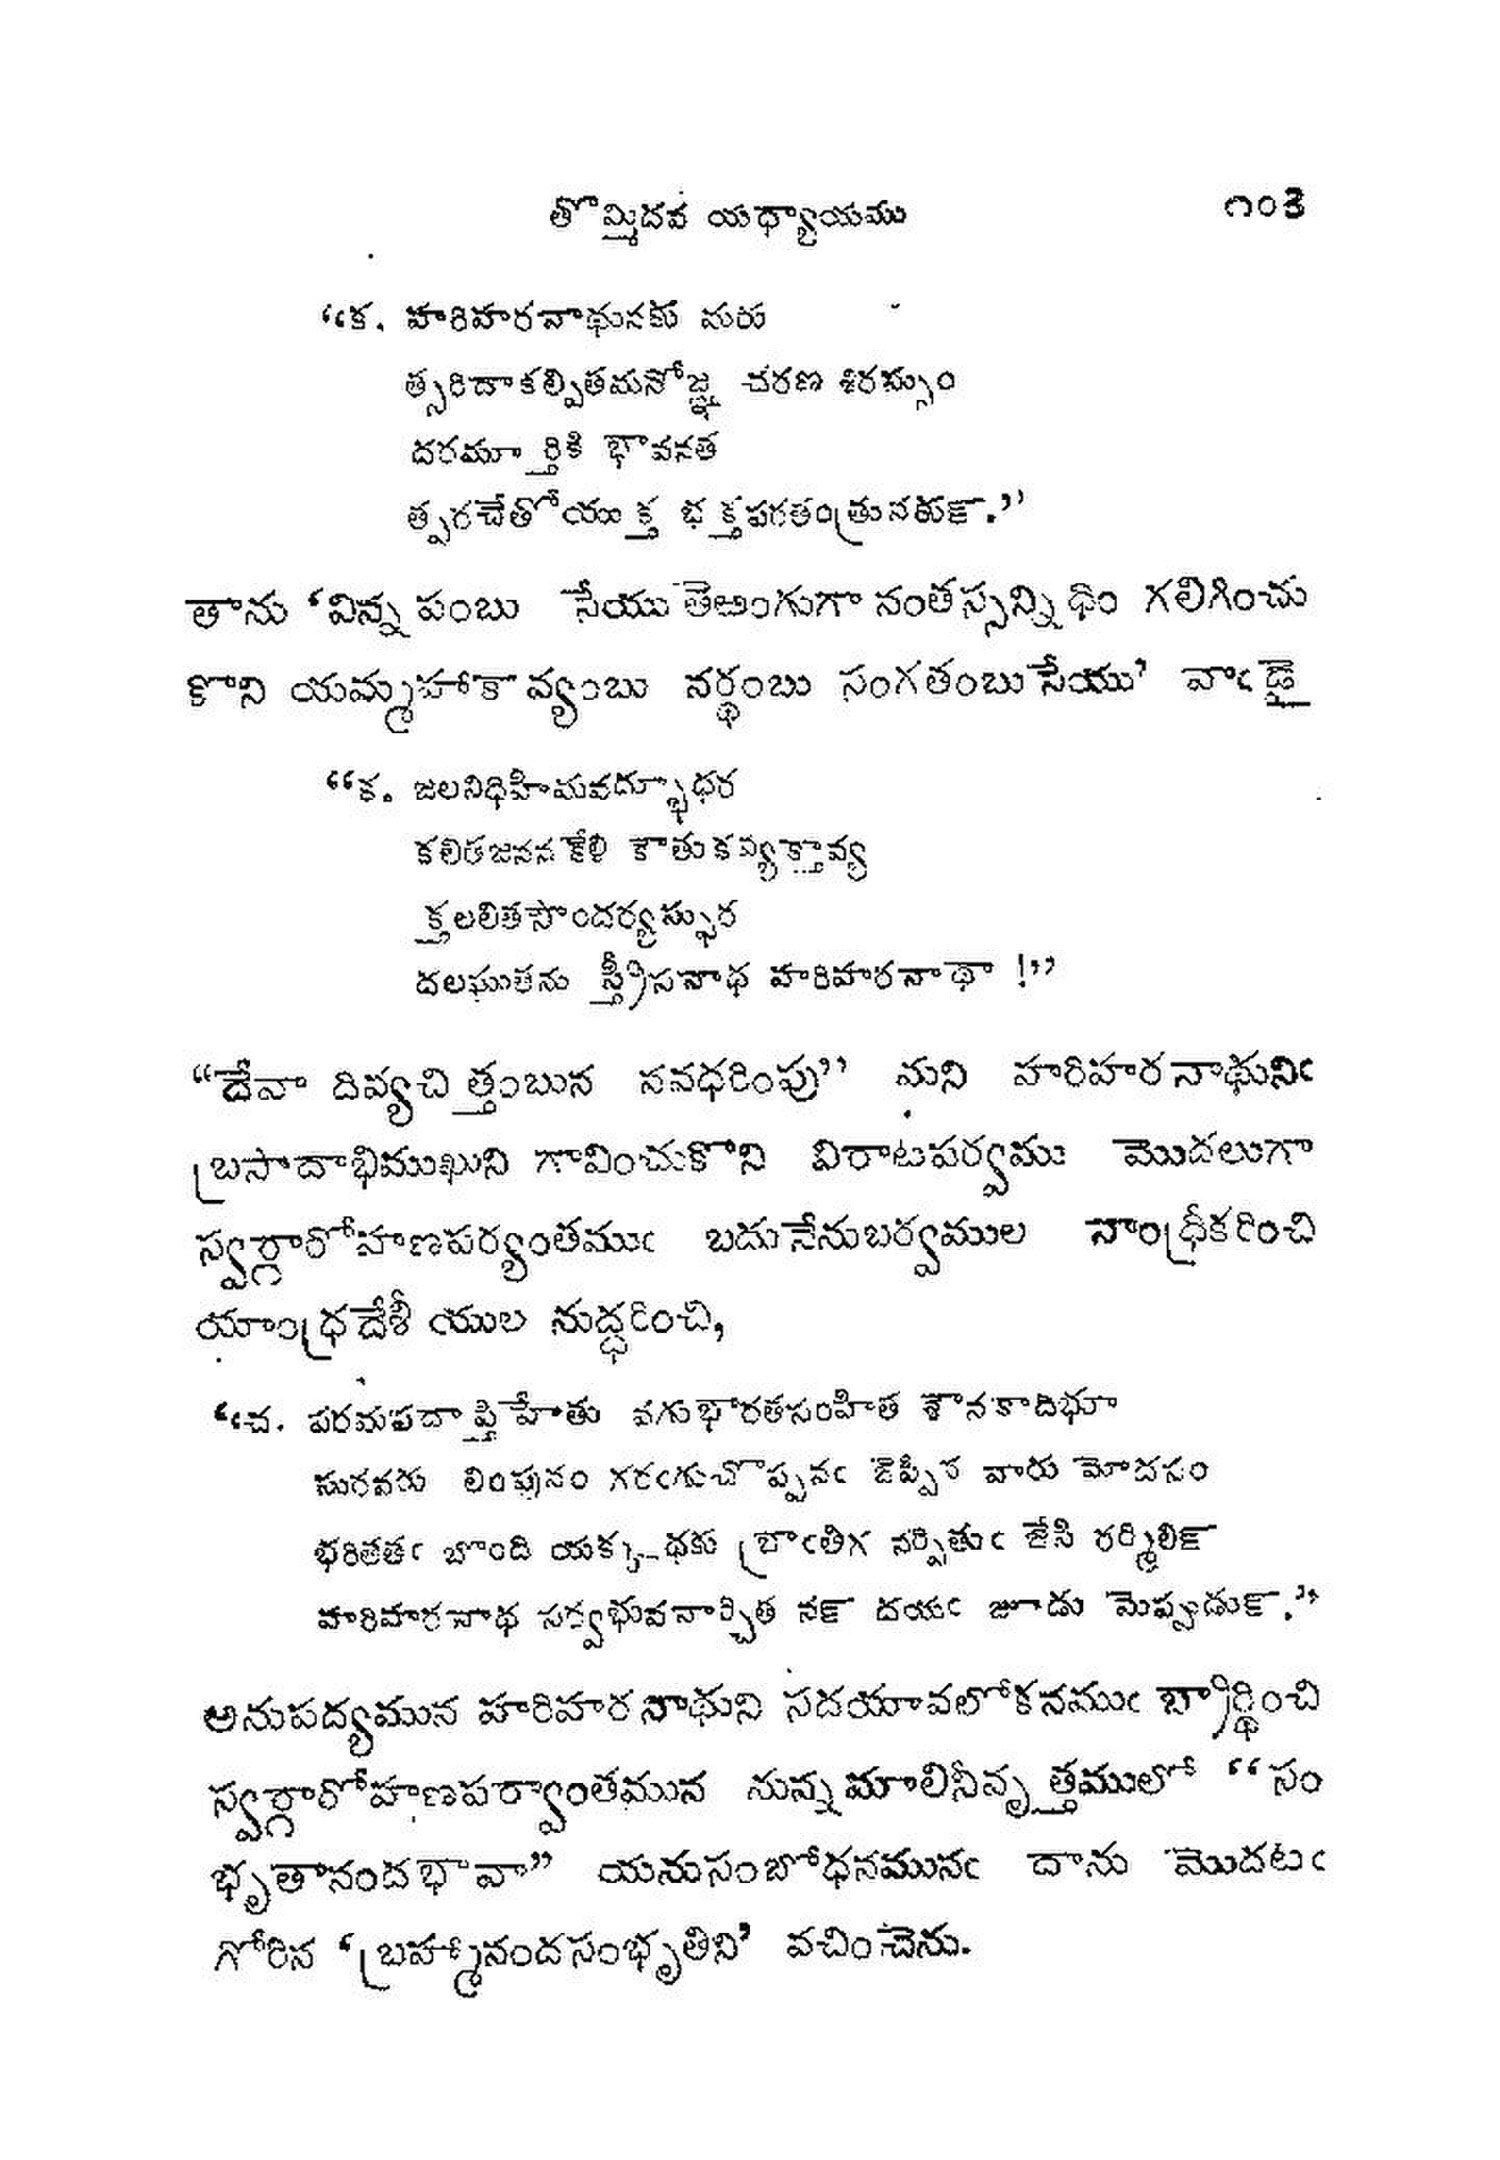"క. హరిహరనాథునకు మరు
 త్సరిదాకల్పితమనోజ్ఞ చరణ శిరస్సుం 
 దరమూర్తికి భావనత
 త్పరచేతోయుక్త భక్తపరతంత్రునకు౯." 
తాను 'విన్నపంబు సేయుతెఱంగుగా నంతస్సన్నిధిం గలిగించుకొని యమ్మహాకావ్యంబు నర్థంబు సంగతంబుసేయు' వాడై 

“శ. జలనిధిహిమవద్భూధర
 కలితజననకేళి కౌతుకవ్యక్తావ్య 
 క్తలలిత సౌందర్యస్ఫుర
 దలఘుతను స్త్రీసవాథ హరిహరనాథా!" 
"దేవా దివ్యచిత్తంబున నవధరింపు" మని హరిహరనాథునిఁ బ్రసాదాభిముఖుని గావించుకొని విరాటపర్వము మొదలుగా స్వర్గారోహణపర్యంతముఁ బదునేనుబర్వముల నాంద్రీకరించి యాంధ్రదేశీ యుల నుద్ధరించి, 

చ. పరమపదాప్తిహేతు వగుభారతసంహిత శౌనకాదిభూ
 సురవరు లింపునం గరంగుచొప్పనఁ జెప్పిన వారు మోదసం 
 భరితతఁ బొంది యక్కథకు బ్రాఁతిగ నర్పితుఁ జేసి రర్మిలి౯
 హరిహరనాథ సర్వభువనార్చిత న౯ దయఁ జూడు మెప్పుడు౯." 
అనుపద్యమున హరిహరనాథుని సదయావలోకనముఁ బ్రార్థించి స్వర్గారోహణపర్వాంతమున నున్నమాలినీవృత్తములో "సంభృతానందభావా" యనుసంబోధనమునఁ దాను మొదటఁ గోరిన 'బ్రహ్మానంద సంభృతిని' వచించెను.